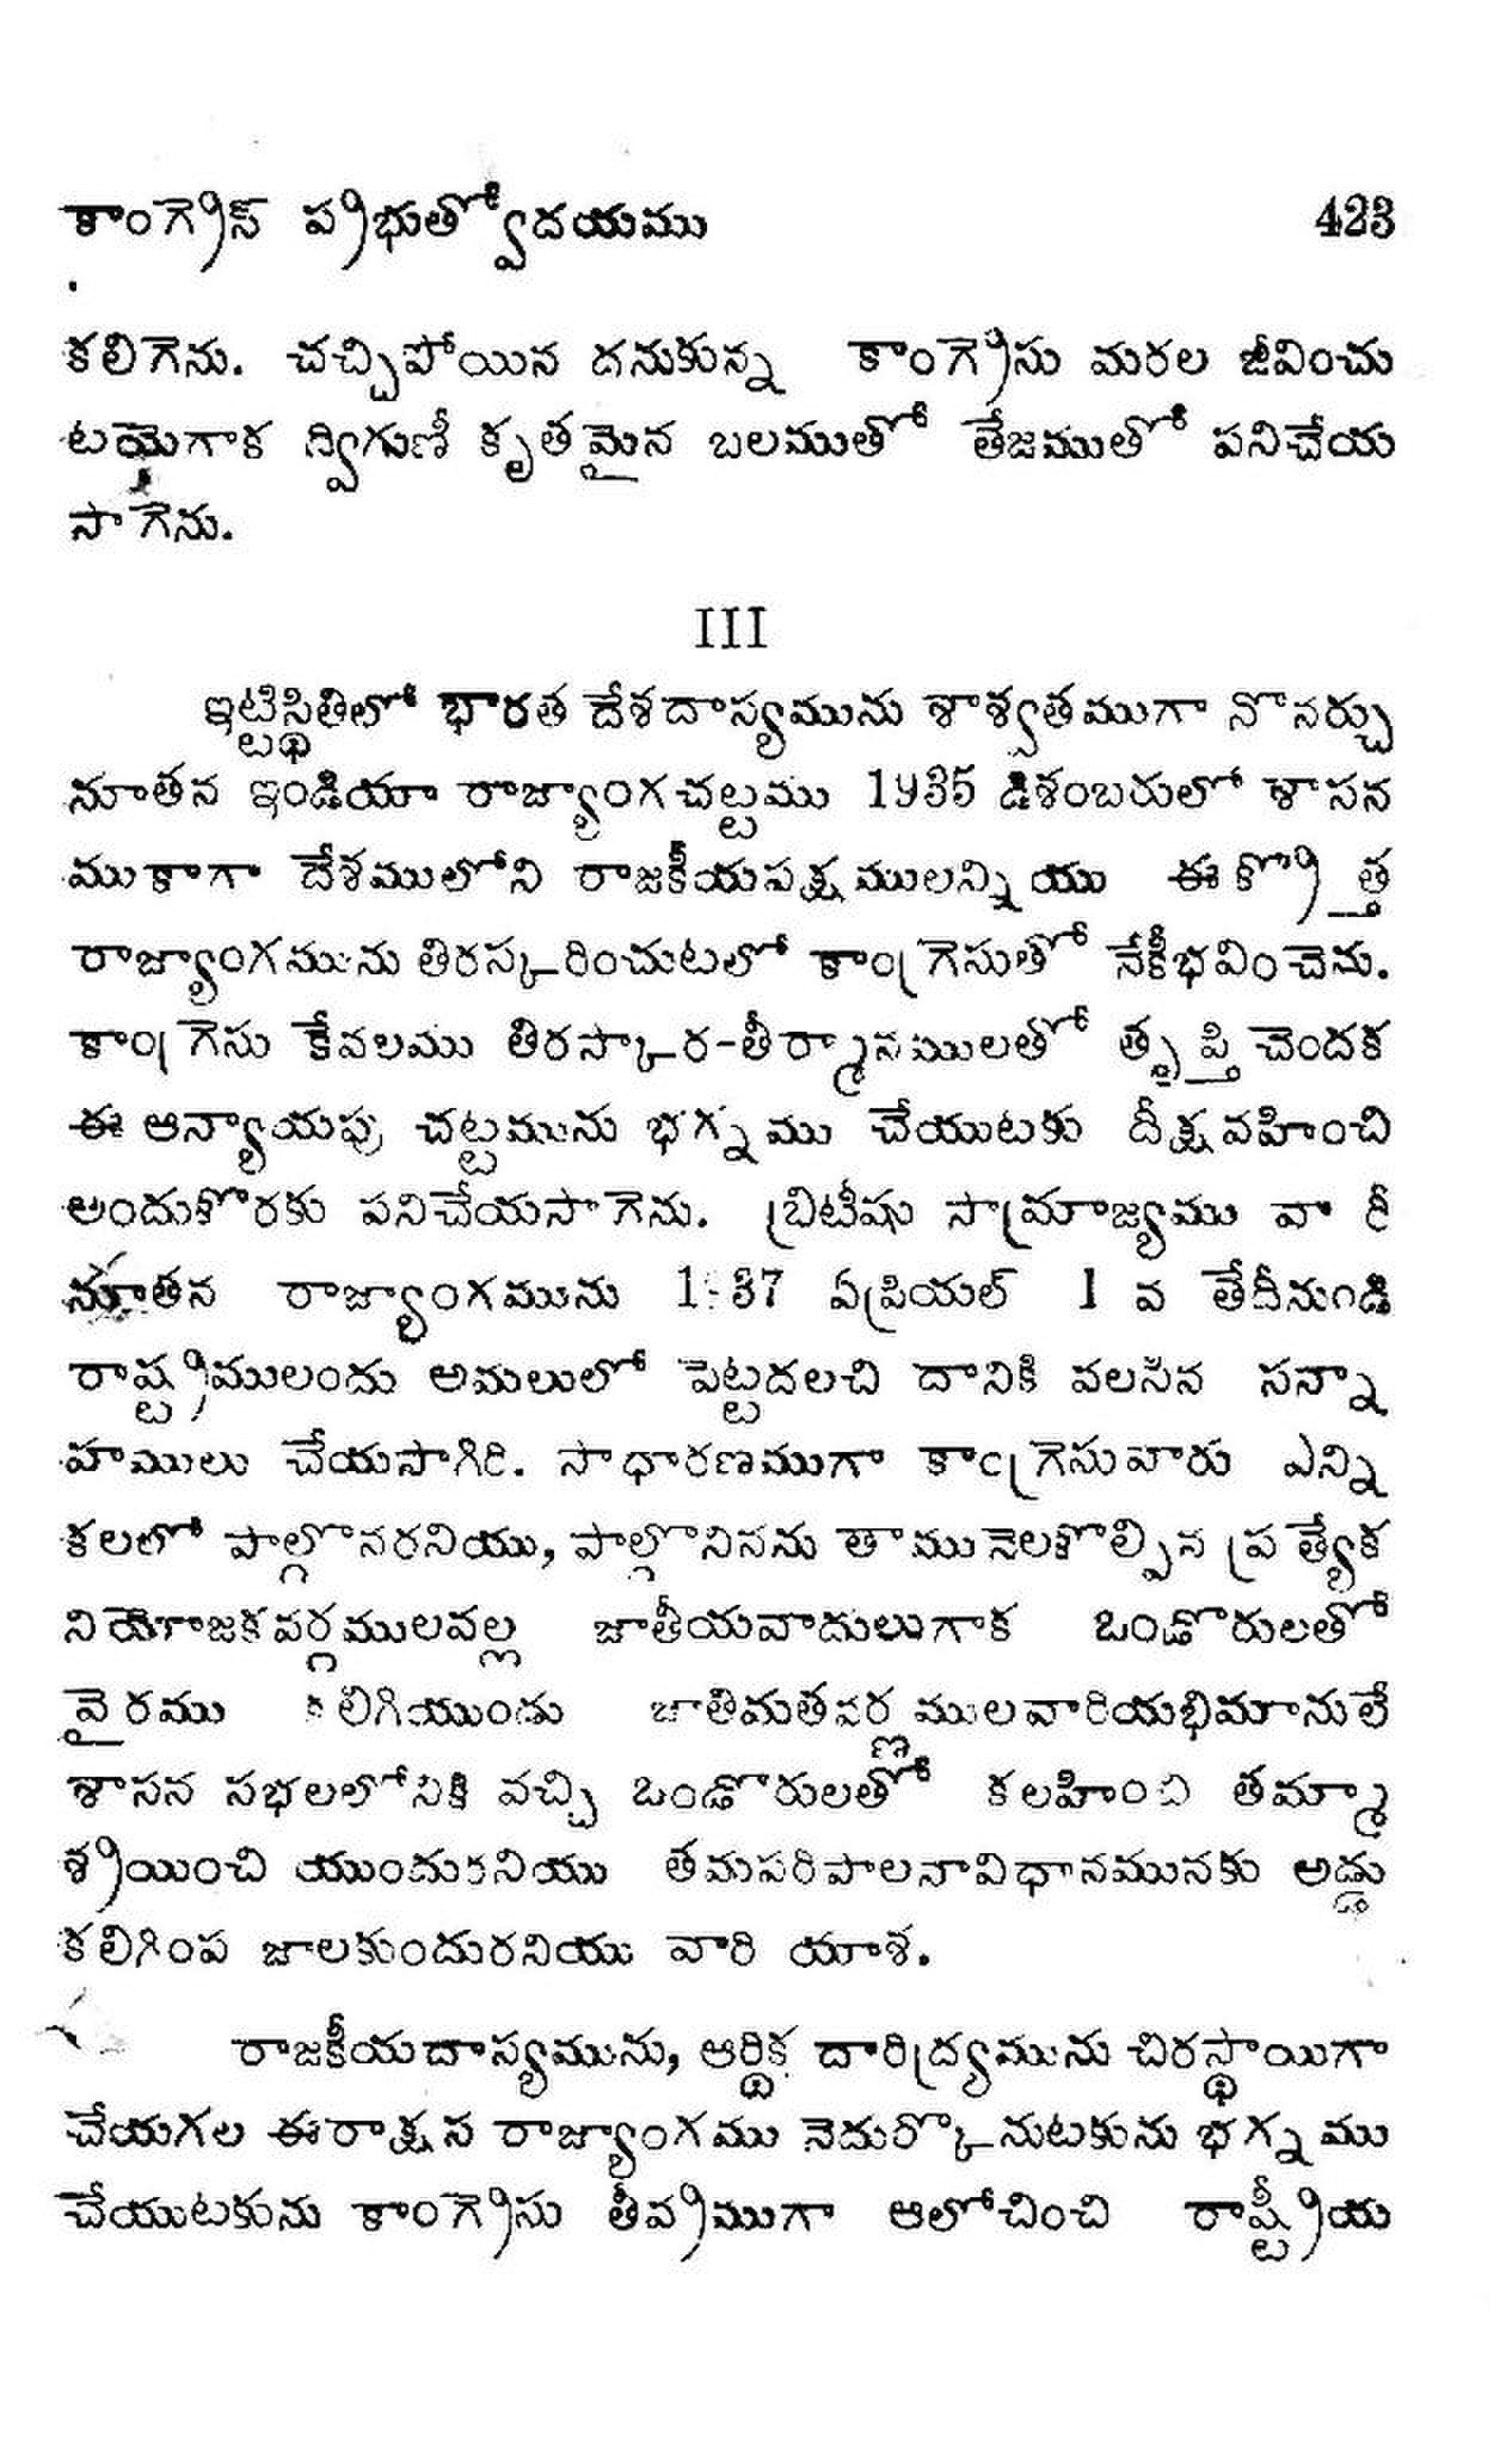కలిగెను. చచ్చిపోయిన దనుకున్న కాంగ్రెసు మరల జీవించుటయెగాక ద్విగుణీ కృతమైన బలముతో తేజముతో పనిచేయ సాగెను.

III 

ఇట్టిస్థితిలో భారతదేశదాస్యమును శాశ్వతముగా నొనర్చు నూతన ఇండియా రాజ్యాంగచట్టము 1935 డిశంబరులో శాసనముకాగా దేశములోని రాజకీయపక్షములన్నియు ఈ క్రొత్త రాజ్యాంగమును తిరస్కరించుటలో కాంగ్రెసుతో నేకీభవించెను. కాంగ్రెసు కేవలము తిరస్కార-తీర్మానములతో తృప్తి చెందక ఈ ఆన్యాయపు చట్టమును భగ్నము చేయుటకు దీక్షవహించి అందుకొరకు పనిచేయసాగెను. బ్రిటీషు సామ్రాజ్యము వారీ నూతన రాజ్యాంగమును 1937 ఏప్రియల్ 1 వ తేదీనుండి రాష్ట్రములందు అమలులో పెట్టదలచి దానికి వలసిన సన్నాహములు చేయసాగిరి. సాధారణముగా కాంగ్రెసువారు ఎన్నికలలో పాల్గొనరనియు, పాల్గొనినను తామునెలకొల్పిన ప్రత్యేక నియోజకవర్గములవల్ల జాతీయవాదులుగాక ఒండొరులతో వైరము కలిగియుండు జాతిమతవర్ణములవారి యభిమానులే శాసన సభలలోనికి వచ్చి ఒండొరులతో కలహించి తమ్మాశ్రయించి యుందురనియు తమపరిపాలనావిధానమునకు అడ్డు కలిగింప జాలకుందురనియు వారి యాశ.

రాజకీయ దాస్యమును, ఆర్థిక దారిద్ర్యమును చిరస్థాయిగా చేయగల ఈ రాక్షస రాజ్యాంగము నెదుర్కొనుటకును భగ్నము చేయుటకును కాంగ్రెసు తీవ్రముగా ఆలోచించి రాష్ట్రీయ